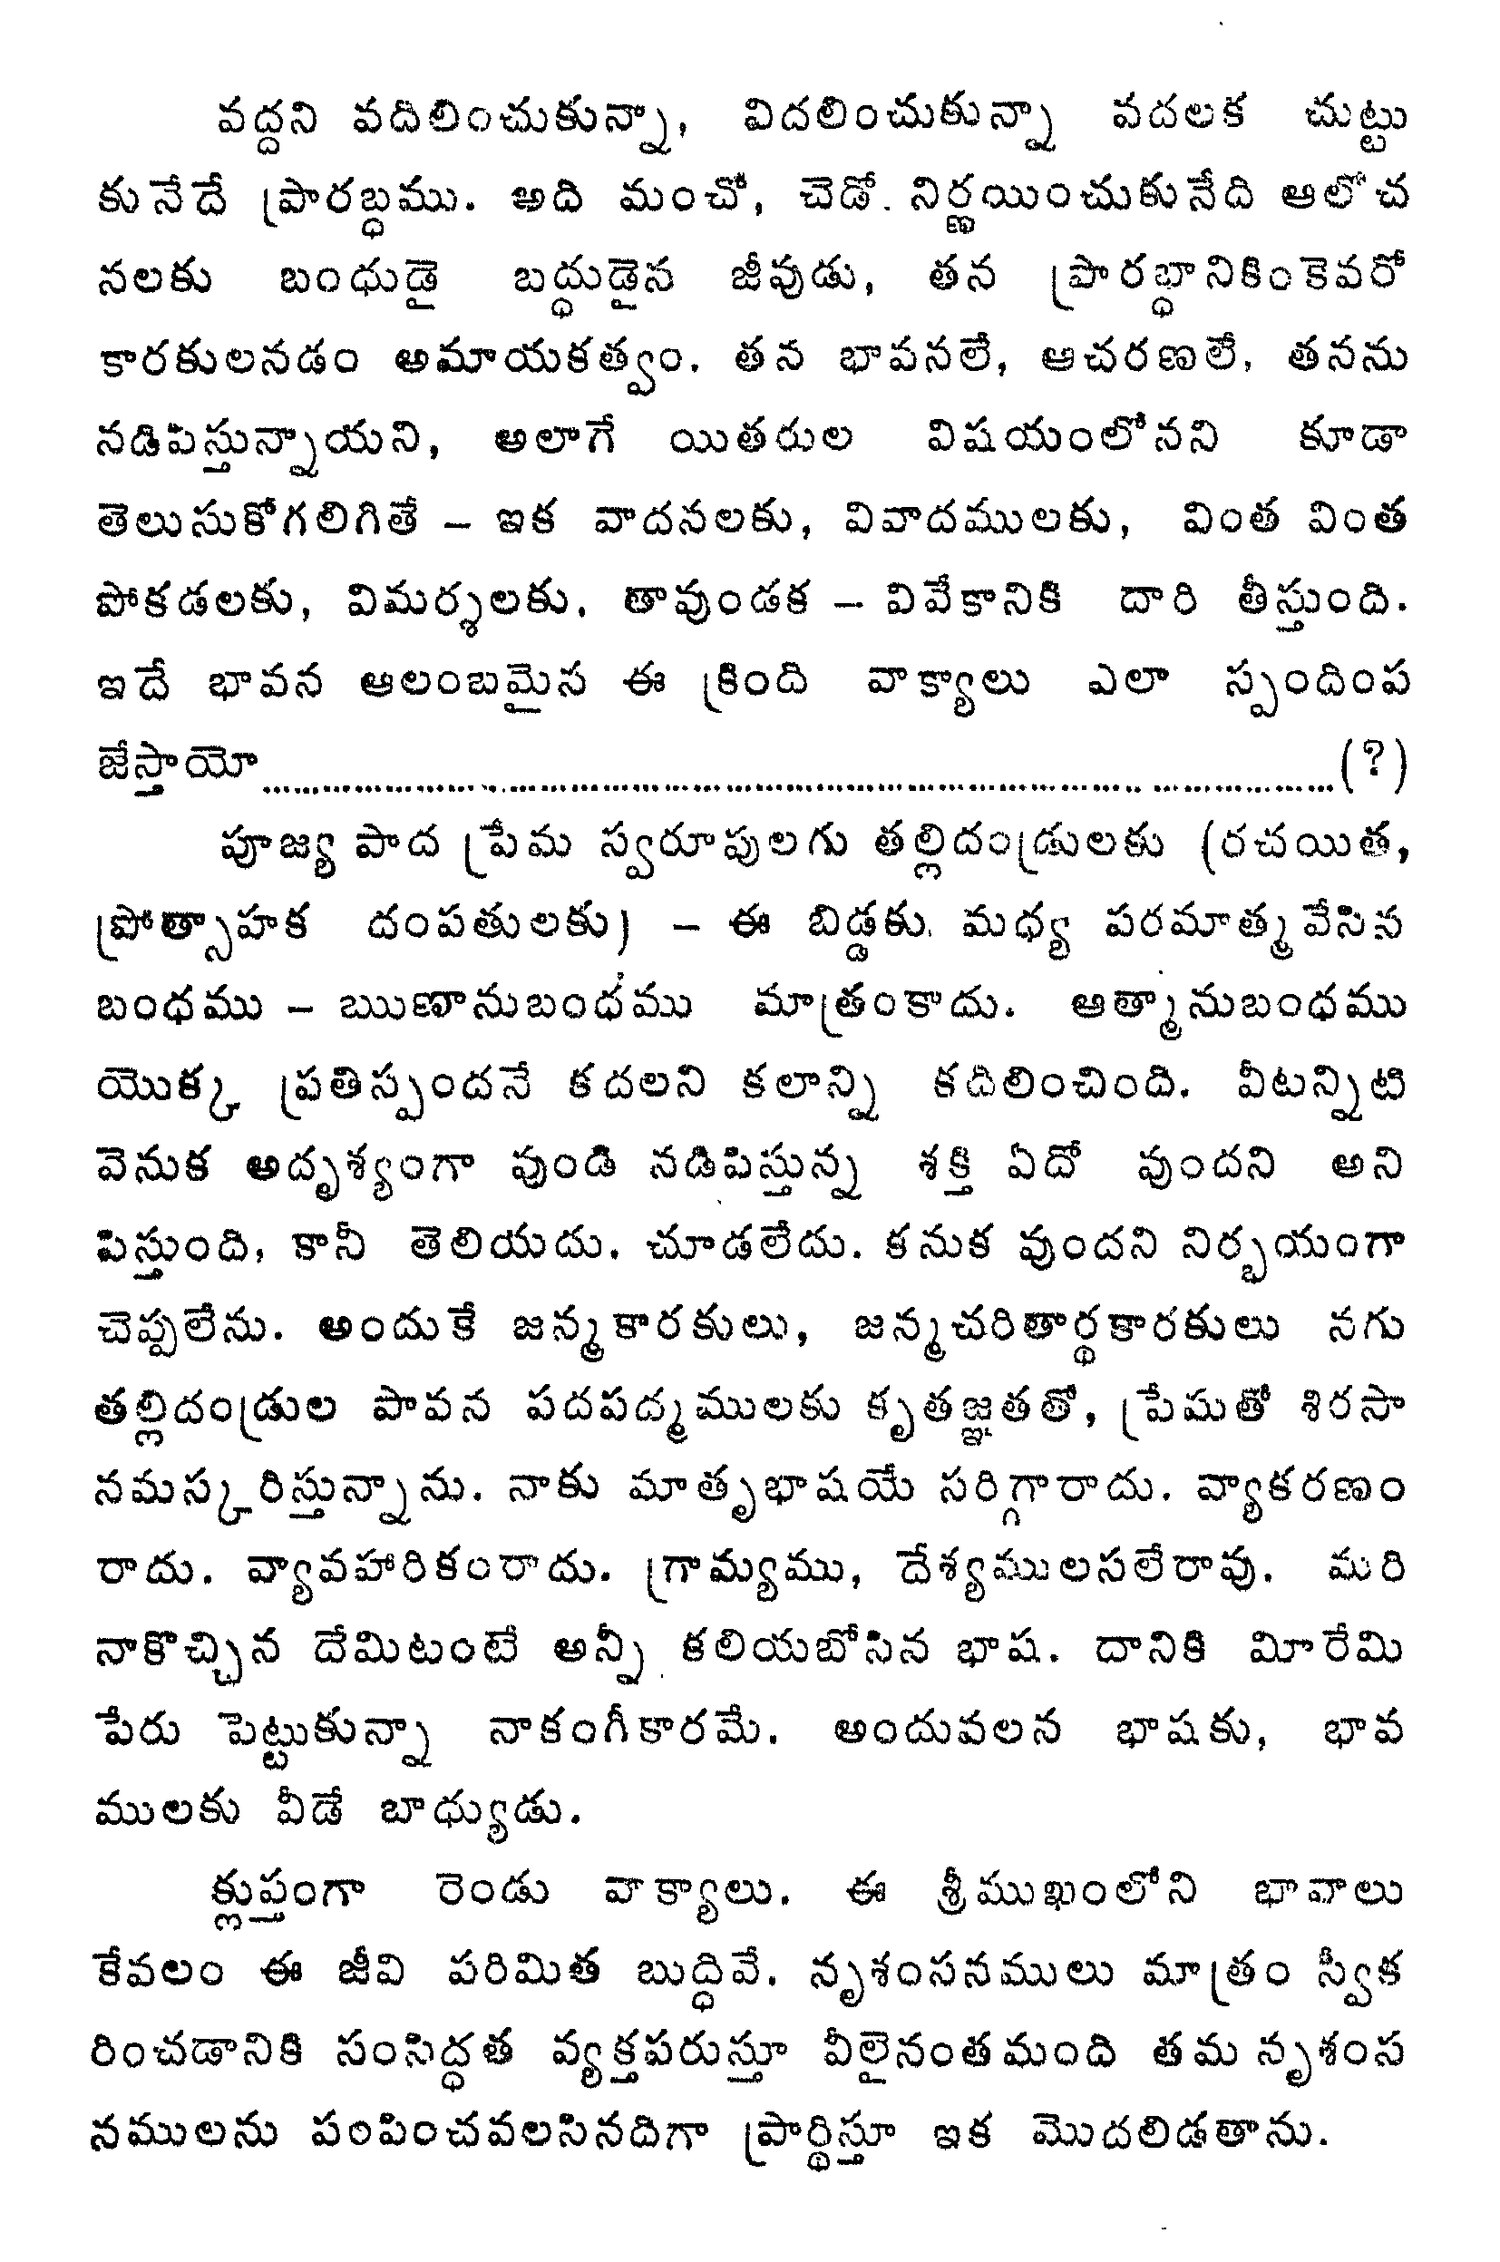వద్దని వదిలించుకున్నా, విదిలించుకున్నా వదలక చుట్టుకునేదే ప్రారబ్ధము. అది మంచో, చెడో నిర్ణయించుకునేది ఆలోచనలకు బంధుడై బద్ధుడైన జీవుడు, తన ప్రారబ్ధాదానికింకెవరో కారకులనడం అమాయకత్వం. తన భావనలే, ఆచరణలే, తనను నడిపిస్తున్నాయని, అలాగే యితరుల విషయంలోనని కూడా తెలుసుకోగలిగితే - ఇక వాదనలకు, వివాదములకు, వింత వింత పోకడలకు, విమర్శలకు, తావుండక - వివేకానికి దారి తీస్తుంది. ఇదే భావన ఆలంబనమై ఈ క్రింది వాక్యాలు ఎలా స్పందింప జేస్తాయో........................................(?)

పూజ్యపాద ప్రేమ స్వరూపులగు తల్లిదండ్రులకు (రచయిత, ప్రోత్సాహక దంపతులకు) - ఈ బిడ్డకు మధ్య పరమాత్మ వేసిన బంధము - ఋణానుబంధము మాత్రంకాదు. ఆత్మానుబంధము యొక్క ప్రతిస్పందనే కదలని కలాన్ని కదిలించింది. వీటన్నిటి వెనుక అదృశ్యంగా వుండి నడిపిస్తున్న శక్తి ఏదో వుందని అనిపిస్తుంది, కానీ తెలియదు. చూడలేదు. కనుక వుందని నిర్భయంగా చెప్పలేను. అందుకే జన్మకారకులు, జన్మచరితార్థకారకులు నగు తల్లిదండ్రుల పావన పదపద్మములకు కృతజ్ఞతతో, ప్రేమతో శిరసా నమస్కరిస్తున్నాను. నాకు మాతృభాషయే సరిగ్గారాదు. వ్యాకరణం రాదు. వ్యావహారికం రాదు. గ్రామ్యము, దేశ్యములసలేరావు. మరి నాకొచ్చిన దేమిటంటే అన్నీ కలియబోసిన భాష. దానికి మీరేమి పేరు పెట్టుకున్నా నాకంగీకారమే. అందువలన భాషకు, భావములకు వీడే బాద్యుడు.

క్లుప్తంగా రెండు వాక్యాలు. ఈ శ్రీముఖంలోని భావాలు కేవలం ఈ జీవి పరిమిత బుద్దివే. నృశంసనములు మాత్రం స్వీకరించడానికి సంసిద్దత వ్యక్తపరుస్తూ వీలైనంతమంది తమ నృశంసనములను పంపించవలసినదిగా ప్రార్థిస్తూ ఇక మొదలిడతాను.